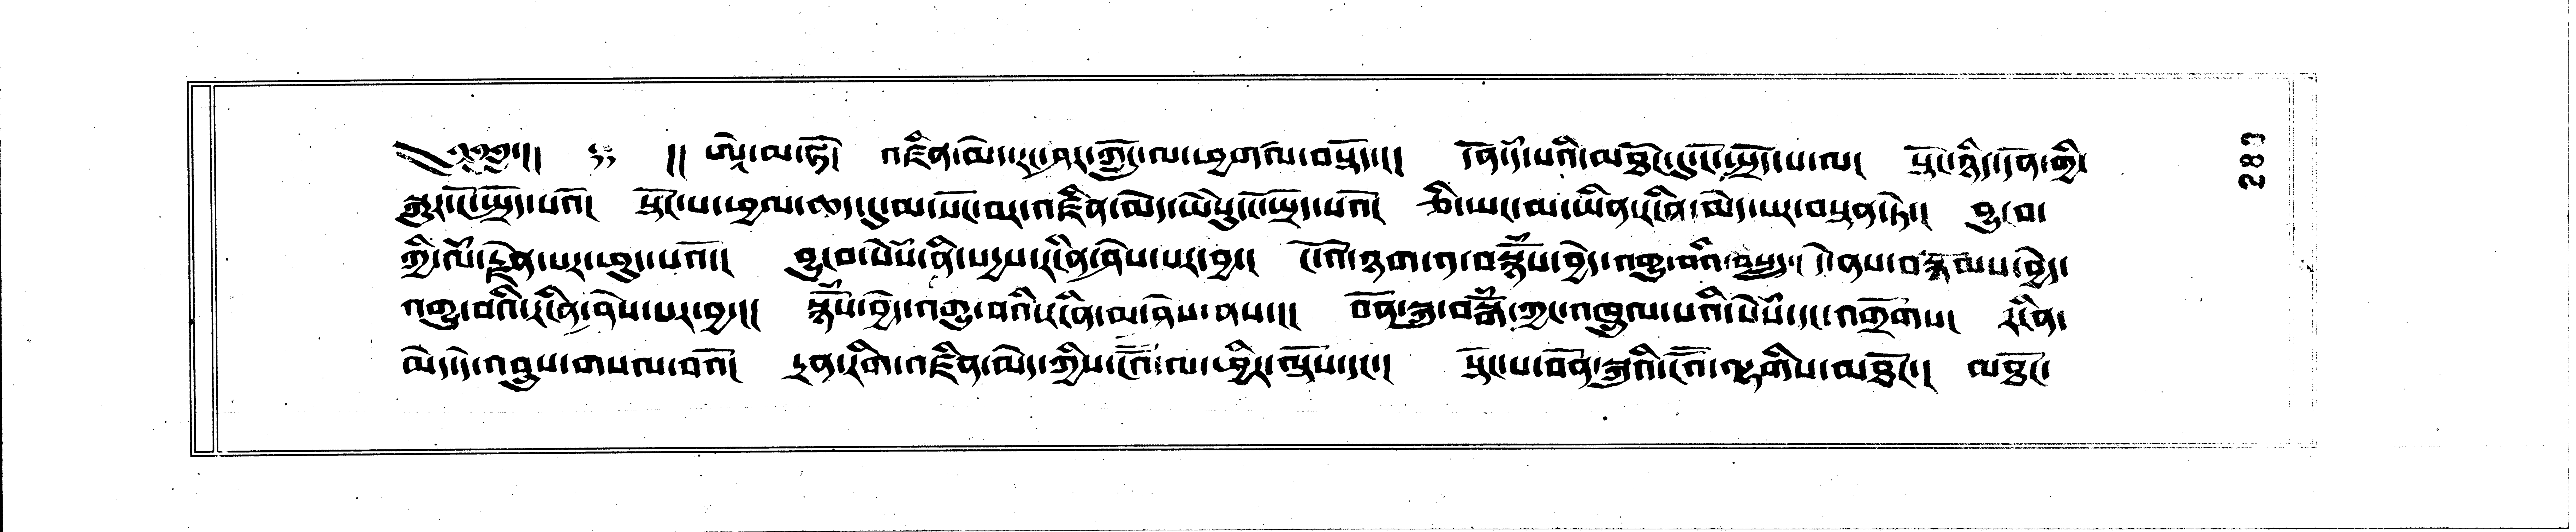༄༅༅།། །།།།ཨེ་མ་ཧོ།། འཛིན་མེད་རང་ཤར་ཀློང་ལ་ཕྱག་འཚལ་ལོ། དོན་དམ་པའི་ངོའོ་ལྷག་མཐོང་དུ་ངོ་སྤྲད་པ་ལ། སྟོང་ཉིད་བོན་གྱིས་
སྐུར་ངོ་སྤྲད་པའོ། སྟོང་པ་ཕྱལ་ཆད་དུ་མ་སོང་བར། འཛིན་མེད་ཡེ་ཤེས་སུ་ངོ་སྤྲད་པ་ནི། ཅི་ཡང་མ་ཡིན་རང་བཞིན་མེད་པར་བསྟན་ཏེ། བྱང་ཆུབ་
ཀྱིས་༼ཀྱི༽སེམས་རྗེན་པར་ཕུད་པའོ། བྱང་ཆུབ་སེམས་ནི་སངས་རྒྱས་རང་ཆས་སྟེ། ངོའོ་ཉག་གཅིག་སྙམས་བྱེད་འགྱུ་བས་བསླད། དེ་ནས་སྙམས་བྱེད་
འགྱུ་བའི་རང་བཞིན་ཤེས་པར་བྱ། སྙམས་བྱེད་འགྱུ་བའི་རང་བཞིན་མ་ཤེས་ན། བོན་སྐུ་སྒོམས་ཀྱང་འཁྲུལ་པའི་སེམས་དང་འགྲོག རང་བཞིན་
མེད་དེ་འབྲས་བུར་གསལ་བ་ཡིས། དྲན་རིག་འཛིན་མེད་ཀྱིས་ངོའོ་ལ་ཕྱིར་ལྟོས་དང་། སྟོང་པ་བོན་སྐུའི་ངོའོ་ལྷག་གིས་མཐོང་། མཐོང་